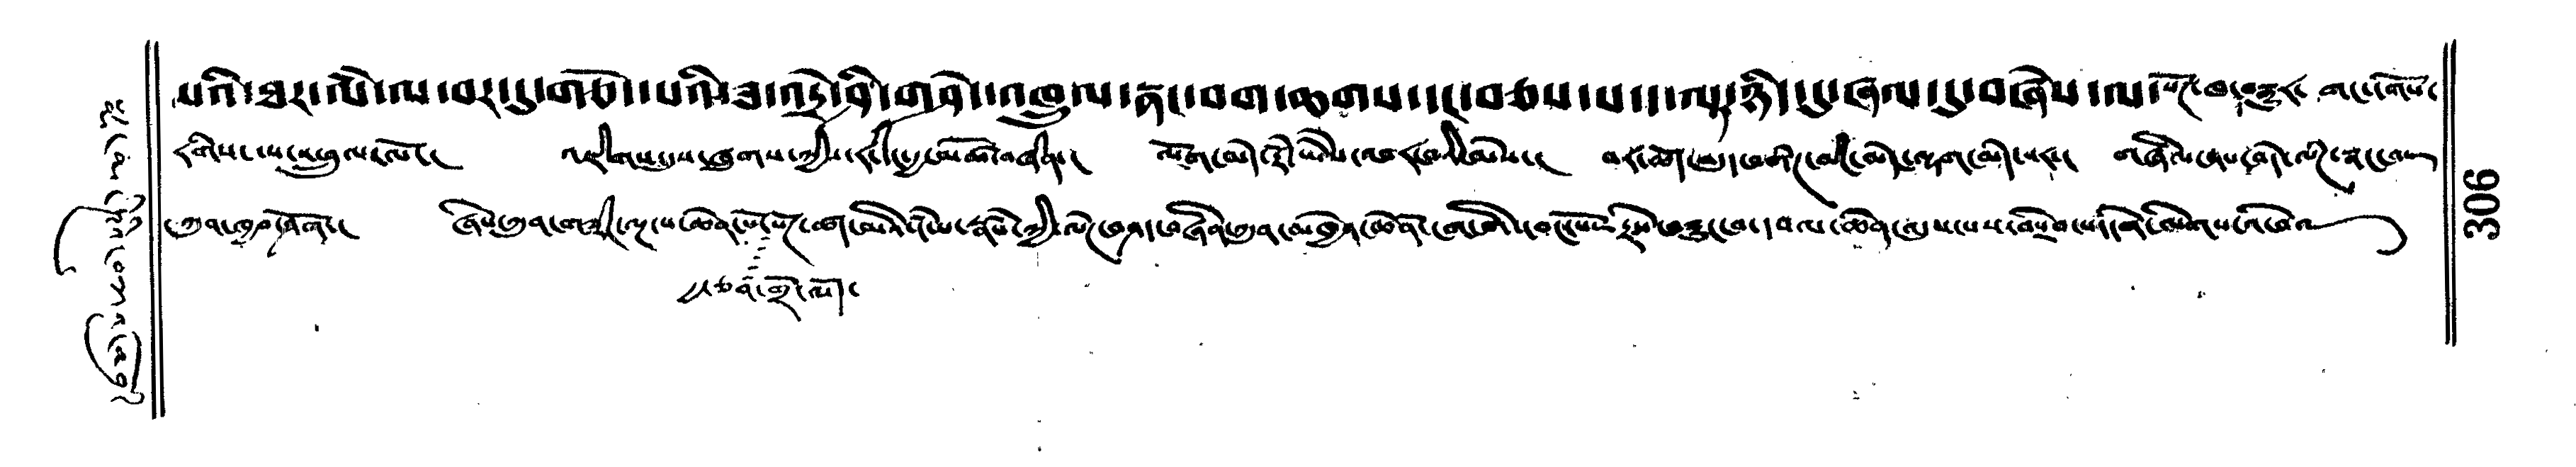པའི་ཐར་ལམ་ལ་བར་དུ་གཅོད་པའི་ཟ་འདྲེ་ཤི་གཤེད་འཁྲུལ་སྣང་བག་ཆགས་དང་བཅས་པ་ད་ལྟ་ཉིད་དུ་ཞལ་དུ་བཞེས་ལ་སོགས་ཁ་བསྒྱུར་གང་དགོས་
རིགས་པས་འཕྲུལ་ལོ།། འཇིག་དུས་ཞུགས་ཀྱིས་རི་དང་རྒྱ་མཚོ་བཞིན། །ལྡོག་མེད་རྡོ་རྗེ་ཡེ་ཤེས་འབར་བའི་མེས། །བར་ཆད་བདུད་བགེགས་མིང་མེད་ལྷག་མེད་པར། །གཞིལ་ནས་བདེ་ལེགས་སྣང་བས་
ཀུན་ཁྱབ་ཤོག ཅེས་ཀུན་གཟིགས་ལྔ་པ་ཆེན་པོ་སོགས་ཚད་མའི་དམ་པ་རྣམས་ཀྱི་ལེགས་བཤད༼རྒྱ་ཅན་གྲོ་ལོད་༽བཞིན་ཀུན་མཁྱེན་ཆེན་པོ་ངག་གི་དབང་པོས་རྗེས་སུ་བཟུང་བ་དཔལ་ཆེན་འདུས་པས་བསྡེབས་པ་དགེ་ལེགས་འཕེལ།། །།